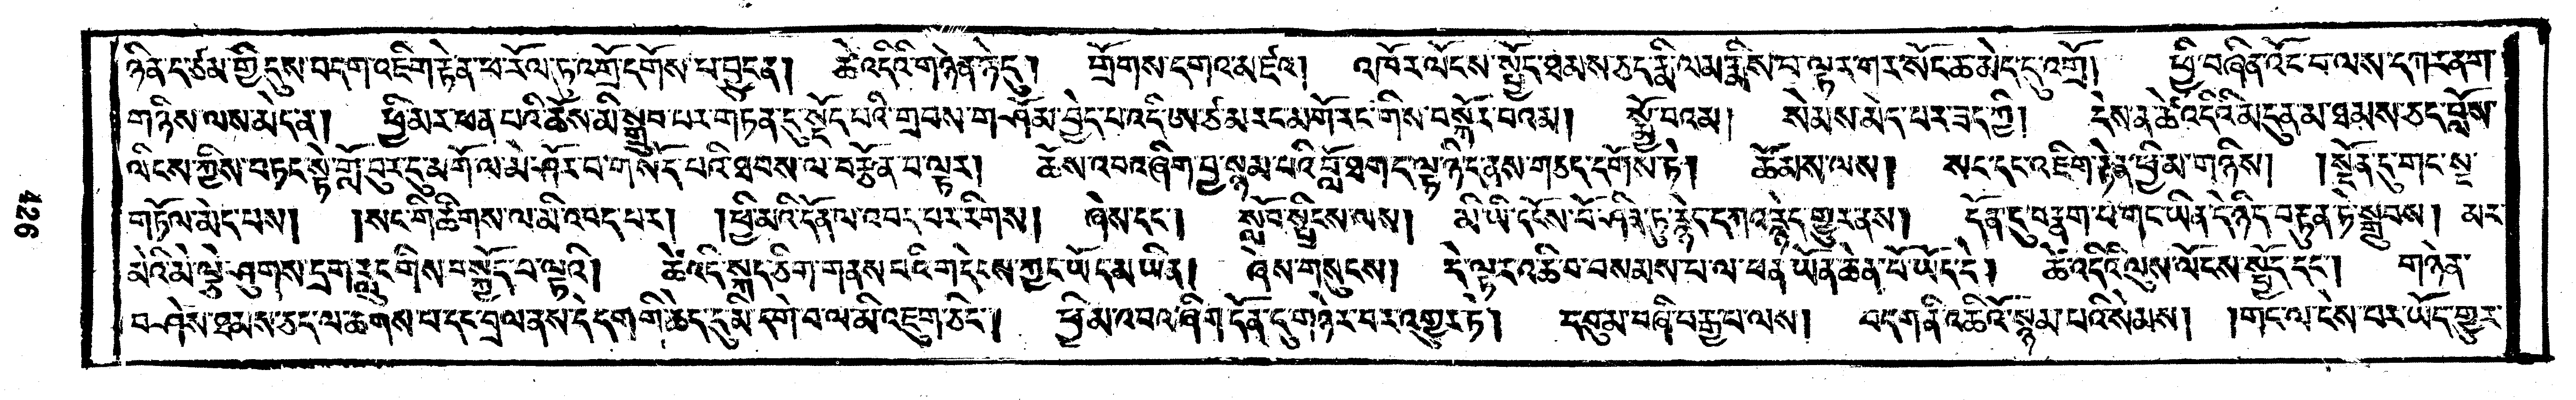ཉིན་ང་ཙམ་གྱི་དུས་བདག་འཇིག་རྟེན་ཕ་རོལ་ཏུ་འགྲོ་དགོས་པ་བྱུང་ན། ཚེ་འདིའི་གཉེན་ཉེ་དུ། གྲོགས་དགའ་མཛའ། འཁོར་ལོངས་སྤྱོད་ཐམས་ཅད་རྨི་ལམ་རྨིས་པ་ལྟར་གར་སོང་ཆ་མེད་དུ་འགྲོ། ཕྱི་བཞིན་འོང་བ་ལས་དཀར་ནག་
གཉིས་ལས་མེད་ན། ཕྱི་མར་ཕན་པའི་ཆོས་མི་སྒྲུབ་པར་གཏན་དུ་སྡོད་པའི་གྲབས་གཤོམ་བྱེད་པ་འདི་ཨ་ཙམ་རང་མགོ་རང་གིས་བསྐོར་བའམ། སྨྱོ་བའམ། སེམས་མེད་པར་ཟད་ཀྱི། དེས་ན་ཚེ་འདིའི་མདུན་མ་ཐམས་ཅད་བློས་
ལིངས་ཀྱིས་བཏང་སྟེ་གློ་བུར་དུ་མགོ་ལ་མེ་ཤོར་བ་གསོད་པའི་ཐབས་ལ་བརྩོན་པ་ལྟར། ཆོས་འབའ་ཞིག་བྱ་སྙམ་པའི་བློ་ཐག་ད་ལྟ་ཉིད་ནས་གཅད་དགོས་ཏེ། ཆོམས་ལས། སང་དང་འཇིག་རྟེན་ཕྱི་མ་གཉིས། །སྔོན་དུ་གང་སྔ་
གཏོལ་མེད་པས། །སང་གི་ཚིགས་ལ་མི་འབད་པར། །ཕྱི་མའི་དོན་ལ་འབད་པར་རིགས། ཞེས་དང་། སློབ་སྤྲིངས་ལས། མི་ཡི་དངོས་བོ་ཤིན་ཏུ་རྙེད་དཀའ་རྙེད་གྱུར་ནས། དོན་དུ་བྲང་པ་གང་ཡིན་དེ་ཉིད་བརྟུན་ཏེ་སྒྲུབས། མར་
མེའི་མེ་ལྕེ་ཤུགས་དྲག་རླུང་གིས་བསྐྱོད་བ་ལྟའི། ཚེ་འདི་སྐད་ཅིག་གནས་པའི་གདེངས་ཀྱང་ཡོད་མ་ཡིན། ཞེས་གསུངས། དེ་ལྟར་འཆི་བ་བསམས་པ་ལ་ཕན་ཡོན་ཆེན་པོ་ཡོད་དེ། ཚེ་འདིའི་ལུས་ལོངས་སྤྱོད་དང་། གཉེན་
བཤེས་ཐམས་ཅད་ལ་ཆགས་པ་དང་བྲལ་ནས་དེ་དག་གི་ཆེད་དུ་མི་དགེ་བ་ལ་མི་འཇུག་ཅིང་། ཕྱི་མ་འབའ་ཞིག་དོན་དུ་གཉེར་བར་འགྱུར་ཏེ། དབུམ་བཞི་བརྒྱ་པ་ལས། བདག་ནི་འཆིའོ་སྙམ་པའི་སེམས། །གང་ལ་ངེས་བར་ཡོད་གྱུར་